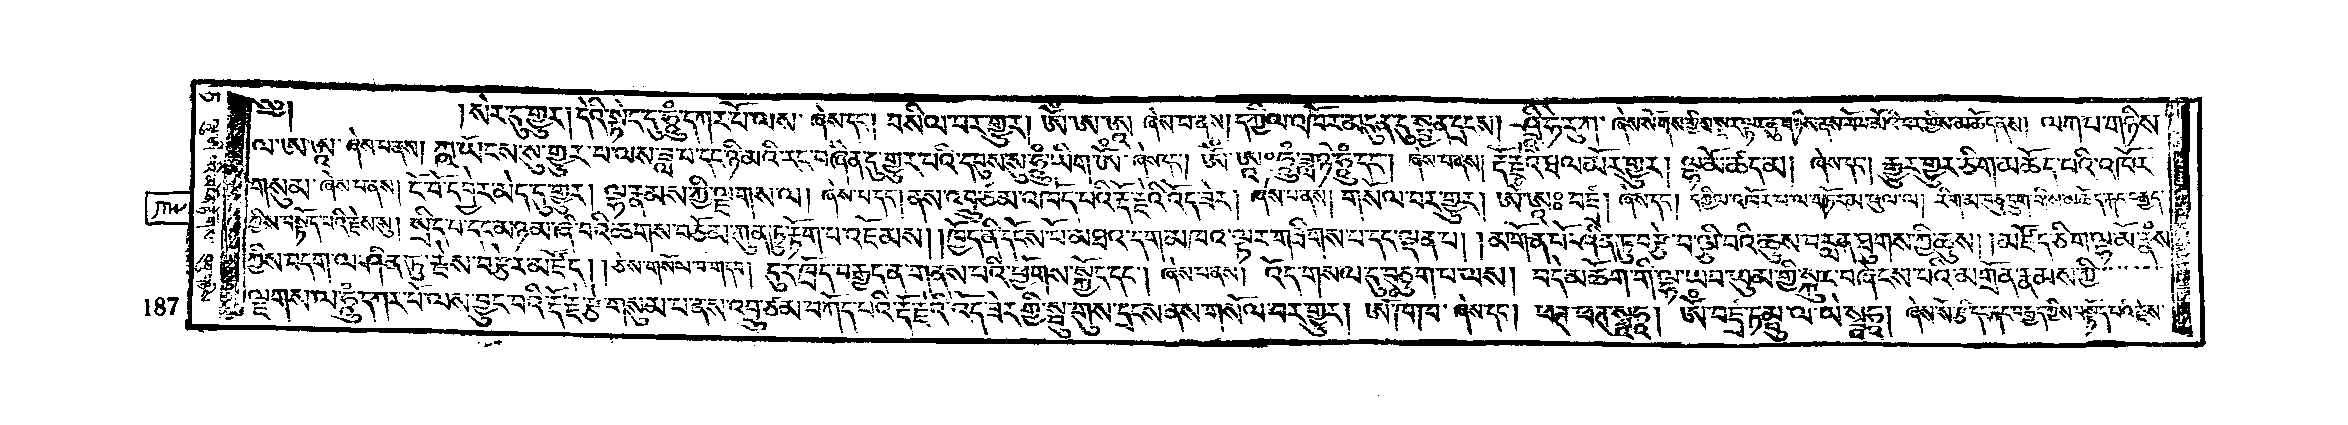༄༅། །སེར་དུ་གྱུར། དེའི་སྟེང་དུ་ཧཱུཾ་དཀར་པོ་ལས་ཞེས་དང་།  བསིལ་བར་གྱུར། ཨོཾ་ཨ་ཨཱ་ཞེས་པ་ནས།  དཀྱིལ་འཁོར་མདུན་དུ་སྤྱན་དྲངས། ཤྲཱི་ཧེ་རུ་ཀ་ཞེས་སོགས་ཀྱིས་སྔར་ལྟར་ཆུ་གཉིས་ནས་རོལ་མོའི་བར་གྱིས་མཆོད་ནས།  ལག་པ་གཉིས་
ལ་ཨ་ཨཱ་ཞེས་པ་ནས།  ཀྵ་ཡོངས་སུ་གྱུར་པ་ལས་ཟླ་བ་དང་ཉི་མའི་རང་བཞིན་དུ་གྱུར་པའི་དབུས་སུ་ཧཱུཾ་ཡིག་ཨོཾ་ཞེས་དང་།  ཨོཾ་ཨཱཿ ཧཱུཾ་ཟླ་ཉི་ཧཱུཾ་དང་། ཞེས་པ་ནས།  རྡོ་རྗེའི་ཐལ་མོར་གྱུར། ལྷ་མོ་ཚད་མ། ཞེས་དང་།  རྒྱུར་གྱུར་ཅིག་མཆོད་པའི་འཁོར་
གསུམ་ཞེས་པ་ནས།  ངོ་བོ་དབྱེར་མེད་དུ་གྱུར། ལྷ་རྣམས་ཀྱི་ལྗགས་ལ། ཞེས་པ་དང་།  ནས་འབྲུ་ཙམ་འཁོད་པའི་རྡོ་རྗེའི་འོད་ཟེར། ཞེས་པ་ནས།  གསོལ་བར་གྱུར། ཨོཾ་ཨཱཿ བཛྲ། ཞེས་དང་། དཀྱིལ་འཁོར་བ་ལ་གཏོར་མ་ཕུལ་ལ། རིག་མ་བཅུ་དྲུག་གིས་མཆོད་རྐང་བརྒྱད་
ཀྱིས་བསྟོད་པའི་རྗེས་སུ། སྲིད་པ་དང་མཉམ་ཞི་བའི་ཆགས་བཅོམ་ཀུན་ཏུ་རྟོག་པ་འཇོམས། །ཁྱོད་ནི་དངོས་པོ་མཐའ་དག་མཁའ་ལྟར་གཟིགས་པ་དང་ལྡན་པ། །མགོན་པོ་ཤིན་ཏུ་བརྩེ་བ་ལྕི་བའི་ཆུས་བརླན་ཐུགས་ཀྱི་ཆུས། །མཛོད་ཅིག་ལྷ་མོ་རྣམས་
ཀྱིས་བདག་ལ་ཤིན་ཏུ་རྗེས་བརྩེར་མཛོད། །ཅེས་གསོལ་བ་གདབ།  དུར་ཁྲོད་བརྒྱད་ན་གནས་པའི་ཕྱོགས་སྐྱོང་དང་། ཞེས་པ་ནས།  འོད་གསལ་དུ་བཅུག་པ་ལས། བདེ་མཆོག་གི་ལྷ་ཡབ་ཡུམ་གྱི་སྐུར་བཞེངས་པའི་མགྲོན་རྣམས་ཀྱི་
ལྗགས་ལ་ཧཱུཾ་དཀར་པོ་ལས་བྱུང་བའི་རྡོ་རྗེ་རྩེ་གསུམ་པ་ནས་འབྲུ་ཙམ་བཀོད་པའི་རྡོ་རྗེའི་འོད་ཟེར་གྱི་སྦུ་གུས་དྲངས་ནས་གསོལ་བར་གྱུར། ཨོཾ་ཁ་ཁ་ཞེས་དང་།  ཕཊ་ཕཊ་སྭཱཧཱ། ཨོཾ་བཛྲ་ཏམྦུ་ལ་ཡེ་སྭཱཧཱ། ཞེས་སོ་རྩི་དང་རྐང་བརྒྱད་ཀྱིས་བསྟོད་པའི་རྗེས་